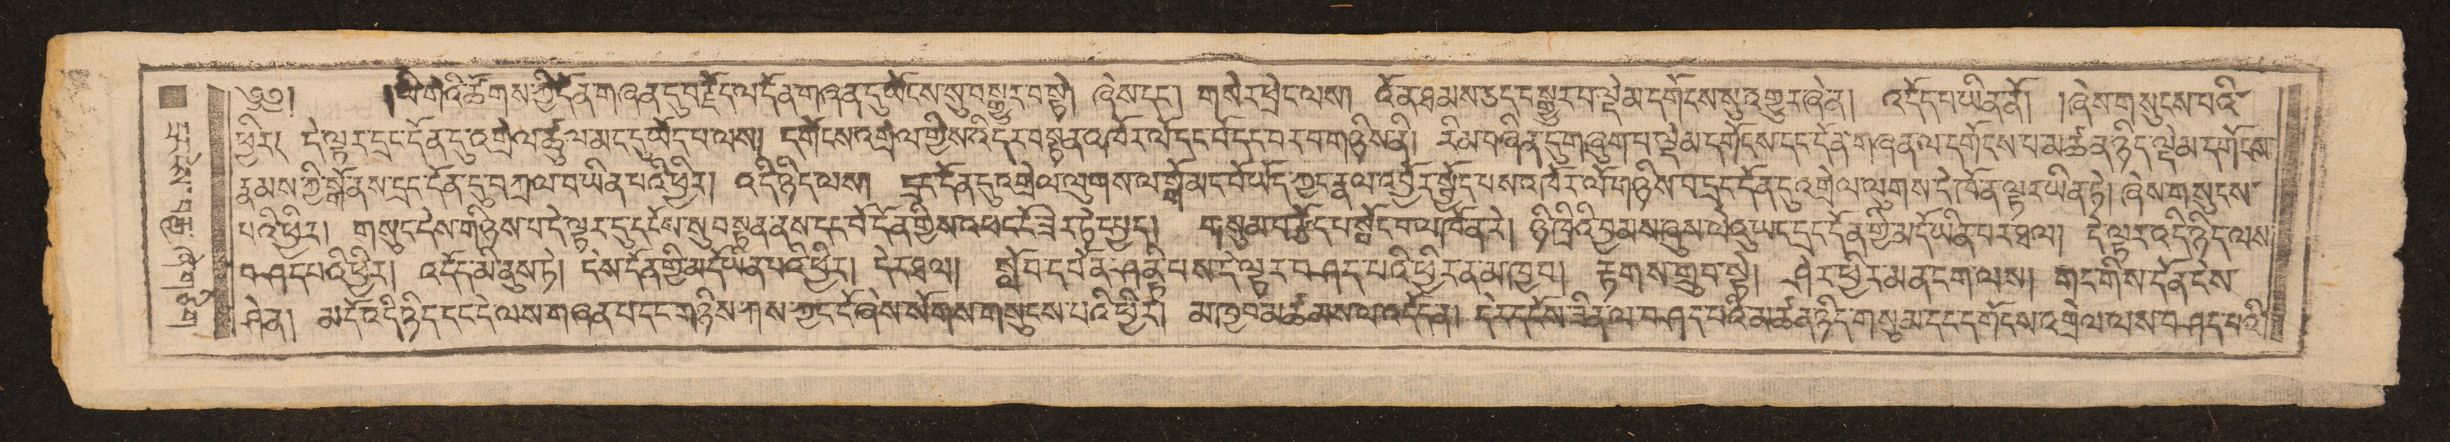༄༅། །ཡི་གེའི་ཚོགས་ཀྱི་དོན་གཞན་དུ་བརྗོད་ལ་དོན་གཞན་དུ་ཡོངས་སུ་བསྒྱུར་བ་སྟེ། ཞེས་དང་། གསེར་ཕྲེང་ལས། འོ་ན་ཐམས་ཅད་བསྒྱུར་བ་ལྡེམ་དགོངས་སུ་འགྱུར་ཞེ་ན། འདོད་པ་ཡིན་ནོ། །ཞེས་གསུངས་པའི་
ཕྱིར༑ དེ་ལྟར་དྲང་དོན་དུ་འགྲེལ་ཚུལ་མང་དུ་ཡོད་བ་ལས། དགོངས་འགྲེལ་གྱིས་འདིར་བསྟན་འཁོར་ལོ་དང་པོ་དང་བར་བ་གཉིས་ནི། རིམ་བཞིན་དུ་གཞུག་བ་ལྡེམ་དགོངས་དང་དོན་གཞན་ལ་དགོངས་པ་མཚན་ཉིད་ལྡེམ་དགོངས་
རྣམས་ཀྱི་སྒོ་ནས་དྲང་དོན་དུ་བཀྲལ་བ་ཡིན་པའི་ཕྱིར། འདི་ཉིད་ལས། དྲང་དོན་དུ་འགྲེལ་ལུགས་ལ་སྒོ་མང་པོ་ཡོད་ཀྱང་རྣལ་འབྱོར་སྤྱོད་པས་འཁོར་ལོ་གཉིས་པ་དྲང་དོན་དུ་འགྲེལ་ལུགས་དེ་ཁོ་ན་ལྟར་ཡིན་ཏེ། ཞེས་གསུངས་
པའི་ཕྱིར། གསུང་དེས་གཉིས་པ་དེ་ལྟར་དུ་དངོས་སུ་བསྟན་ནས་དང་པོ་དོན་གྱིས་འཕང་ངོ་ཟེར་ཏེ་དཔྱད། གསུམ་པ་རྩོད་པ་སྤོང་བ་ལ་ཁོ་ན་རེ། ཉི་ཁྲིའི་བྱམས་ཞུས་ལེའུ་ཡང་དྲང་དོན་གྱི་མདོ་ཡིན་པར་ཐལ། དེ་ལྟར་འདི་ཉིད་ལས་
བཤད་པའི་ཕྱིར། འདོད་མི་ནུས་ཏེ། ངེས་དོན་གྱི་མདོ་ཡིན་པའི་ཕྱིར། དེར་ཐལ། སློབ་དཔོན་ཤནྟི་པས་དེ་ལྟར་བཤད་པའི་ཕྱིར་ན་མ་ཁྱབ། རྟགས་གྲུབ་སྟེ། ཤེར་ཕྱིར་མན་ངག་ལས། གང་གིས་དོན་ངེས་
ཤེ་ན། མདོ་འདི་ཉིད་དང་དེ་ལས་གཞན་པ་དང་གཉིས་ཀས་ཀྱང་ངོ་ཞེས་སོགས་གསུངས་པའི་ཕྱིར། མ་ཁྱབ་མཚམས་ལ་འདོད་ན། དེར་དངོས་ཟིན་ལ་བཤད་པའི་མཚན་ཉིད་གསུམ་དང་དགོངས་འགྲེལ་ལས་བཤད་པའི་